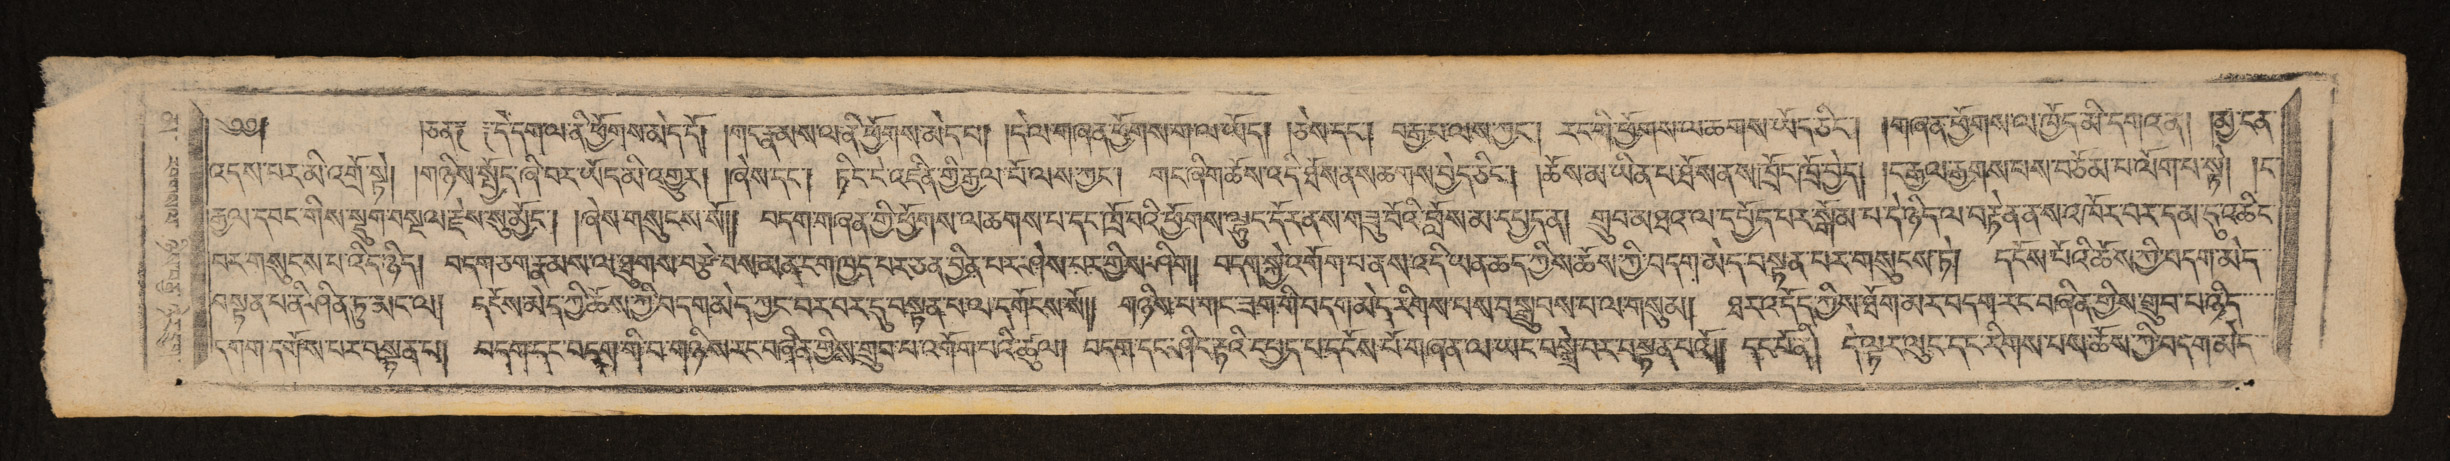༄༅། །ཅན༑ ༑དེ་དག་ལ་ནི་ཕྱོགས་མེད་དོ། །གང་རྣམས་ལ་ནི་ཕྱོགས་མེད་པ། །དེ་ལ་གཞན་ཕྱོགས་ག་ལ་ཡོད། །ཅེས་དང་། བརྒྱ་པ་ལས་ཀྱང་། རང་གི་ཕྱོགས་ལ་ཆགས་ཡོད་ཅིང་། །གཞན་ཕྱོགས་ལ་ཁྱོད་མི་དགའ་ན། །མྱ་ངན་
འདས་པར་མི་འགྲོ་སྟེ། །གཉིས་སྤྱོད་ཞི་བར་ཡོད་མི་འགྱུར། །ཞེས་དང་། ཏིང་ངེ་འཛིན་གྱི་རྒྱལ་པོ་ལས་ཀྱང་། གང་ཞིག་ཆོས་འདི་ཐོས་ནས་ཆགས་བྱེད་ཅིང་། །ཆོས་མ་ཡིན་པ་ཐོས་ནས་ཁོང་ཁྲོ་བྱེད། །ང་རྒྱལ་རྒྱགས་པས་བཅོམ་པ་ལོག་པ་སྟེ། །ང་
རྒྱལ་དབང་གིས་སྡུག་བསྔལ་རྗེས་སུ་མྱོང་། །ཞེས་གསུངས་སོ།། བདག་གཞན་གྱི་ཕྱོགས་ལ་ཆགས་པ་དང་ཁྲོ་བའི་ཕྱོགས་ལྷུང་དོར་ནས་གཟུ་བོའི་བློས་མ་དཔྱད་ན། གྲུབ་མཐའ་ལ་དཔྱོད་པར་སྒོམ་པ་དེ་ཉིད་ལ་བརྟེན་ནས་འཁོར་བར་དམ་དུ་འཆིང་
བར་གསུངས་པ་འདི་ཉིད། བདག་ཅག་རྣམས་ལ་ཐུགས་བརྩེ་བས་མན་ངག་ཁྱད་པར་ཅན་བྱིན་པར་ཤེས་པར་གྱིས་ཤིག། བདག་སྐྱེ་འགོག་པ་ནས་འདི་ཡན་ཆད་ཀྱིས་ཆོས་ཀྱི་བདག་མེད་བསྟན་པར་གསུངས་ཏེ། དངོས་པོའི་ཆོས་ཀྱི་བདག་མེད་
བསྟན་པ་ནི་ཤིན་ཏུ་མང་ལ། དངོས་མེད་ཀྱི་ཆོས་ཀྱི་བདག་མེད་ཀྱང་བར་བར་དུ་བསྟན་པ་ལ་དགོངས་སོ།། གཉིས་པ་གང་ཟག་གི་བདག་མེད་རིགས་པས་བསྒྲུབ་པ་ལ་གསུམ། ཐར་འདོད་ཀྱིས་ཐོག་མར་བདག་རང་བཞིན་གྱིས་གྲུབ་པ་ཉིད་
དགག་དགོས་པར་བསྟན་པ། བདག་དང་བདག་གི་བ་གཉིས་རང་བཞིན་གྱིས་གྲུབ་པ་འགོག་པའི་ཚུལ། བདག་དང་ཤིང་རྟའི་དཔྱད་པ་དངོས་པོ་གཞན་ལ་ཡང་བསྒྲེ་བར་བསྟན་པའོ།། དང་པོ་ནི། དེ་ལྟར་ལུང་དང་རིགས་པས་ཆོས་ཀྱི་བདག་མེད་